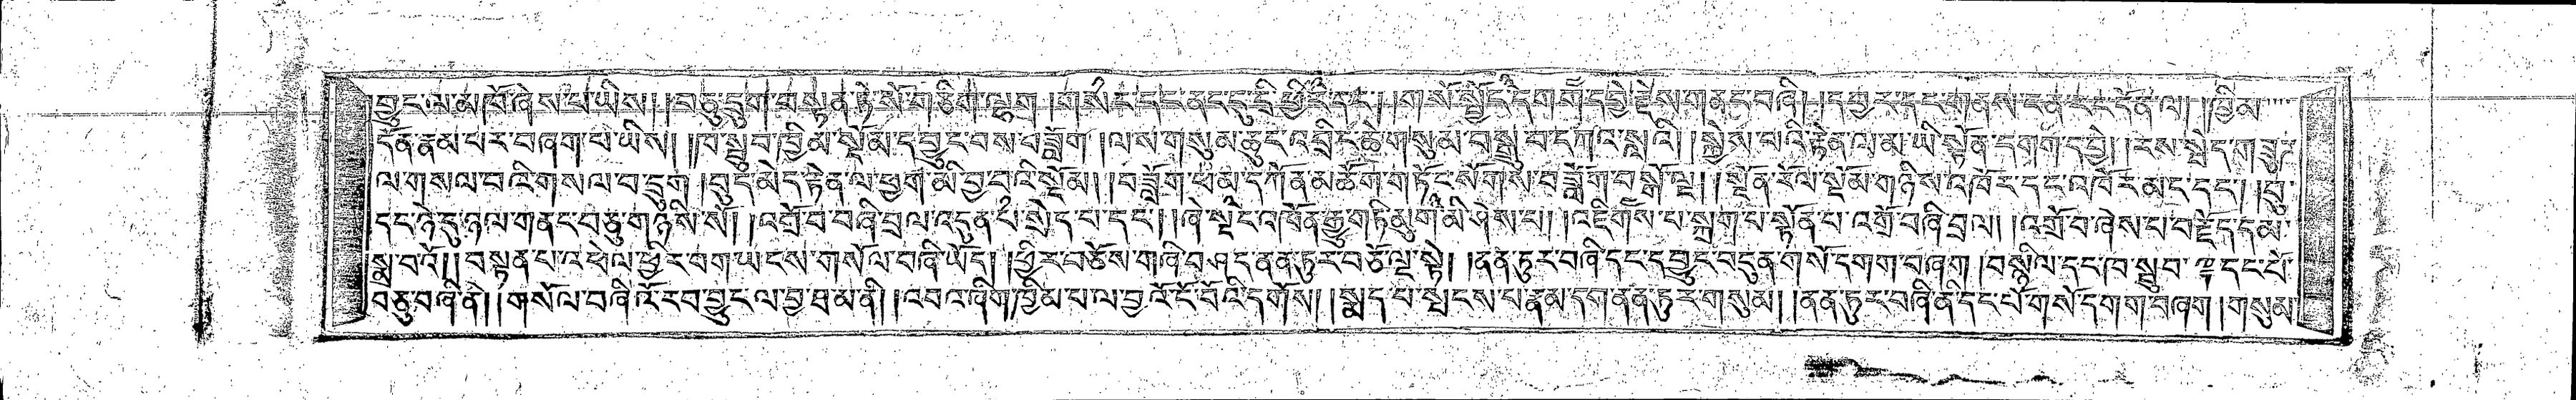བྱུང་??་ཞེས་པ་ཡ?ས། །བཅུ་དྲུག་བསྟན་ཏེ་སོ་གཅིག་ལྷག །གསང ༡་དང་ནང་དུ་དྲི་ཕྱིར ༢་དང་། །གསོ་སྦྱོང ༣་དགག་དབྱེ་རྗེས་གནང་བཞི། །དབྱར་དང་གནས་ངན་རང་དོན་ལ། །ཁྱིམ་
དོན་རྣམ་པར་བཞག་པ་ཡིས། །ཁ་སྦུབ་ཁྱིམ་སྡོམ་དབྱུང་བས་བཟློག །ལས་གསུམ་ཆུང་འབྲིང་ཆེ་གསུམ་བསྒྲུབ་དཀའ་སླའི། །སྐྱེས་པའི་རྟེན་ལ་མ་ཡི་སྟོན་དགག་དབྱེ། །རས་སྦེད་གཟུགས་
ལ་གསལ་བའི་གསལ་བ་དྲུག །བུད་མེད་རྟེན་ལ་ཕྱག་མི་བྱ་བའི་སྡོམ། །བཟློག་ཕམ་དཀོན་མཆོག་གཏོང་སོགས་བཟློག་བསྒོ་ལྔ། །སྔོན་རོལ་སྔོམ་གཉིས་འཁོར་དང་འཁོར་མང་དང་། །བུ་
དང་ཉེ་དུ་ཉལ་གནང་བཅུ་གཉིས་སོ། །འགྲོ་བ་བཞི་བྲལ་འདུན ༡་པ་སྲེད་པ་དང་། །ཞེ་སྡང ༢་འཁོན་རྒྱུ་གཏི་མུག ༣་མི་ཤེས་པ། །འཇིགས་པ་སྐྲག་པ་སྟོན་པ་འགྲོ་བཞི་བྲལ། །འགྲོ་བ་ཞེས་པ་བརྗོད་དམ་
སྨྲ་བའོ། །བསྟན་པ་འཕེལ་ཕྱིར་བག་ཡངས་གསོལ་བཞི་ཡོད། །ཕྱིར་བཅོས་གཞི་བཤད་ནན་ཏུར་བཅོ་ལྔ་སྟེ། །ནན་ཏུར་བཞི་དང་དབྱུང་བདུན་གསོ་དགག་བཞག །བསྙིལ་དང་ཁ་སྦུབ་༈ དང་པོ་
བཅུ་བཞི་ནི། །གསོལ་བཞི་འོ་རབ་བྱུང་ལ་བྱ་ཐ་མ་ནི། །འབའ་ཞིག་ཁྱིམ་པ་ལ་བྱའོ་ངོ་བོའི་དགོས། །སྨད་པ་སྤངས་པ་རྣམ་དག་ནན་ཏུར་གསུམ། །ནན་ཏུར་བཞི་ནི་དང་པོ་གསོ་དགག་བཞག །གསུམ་